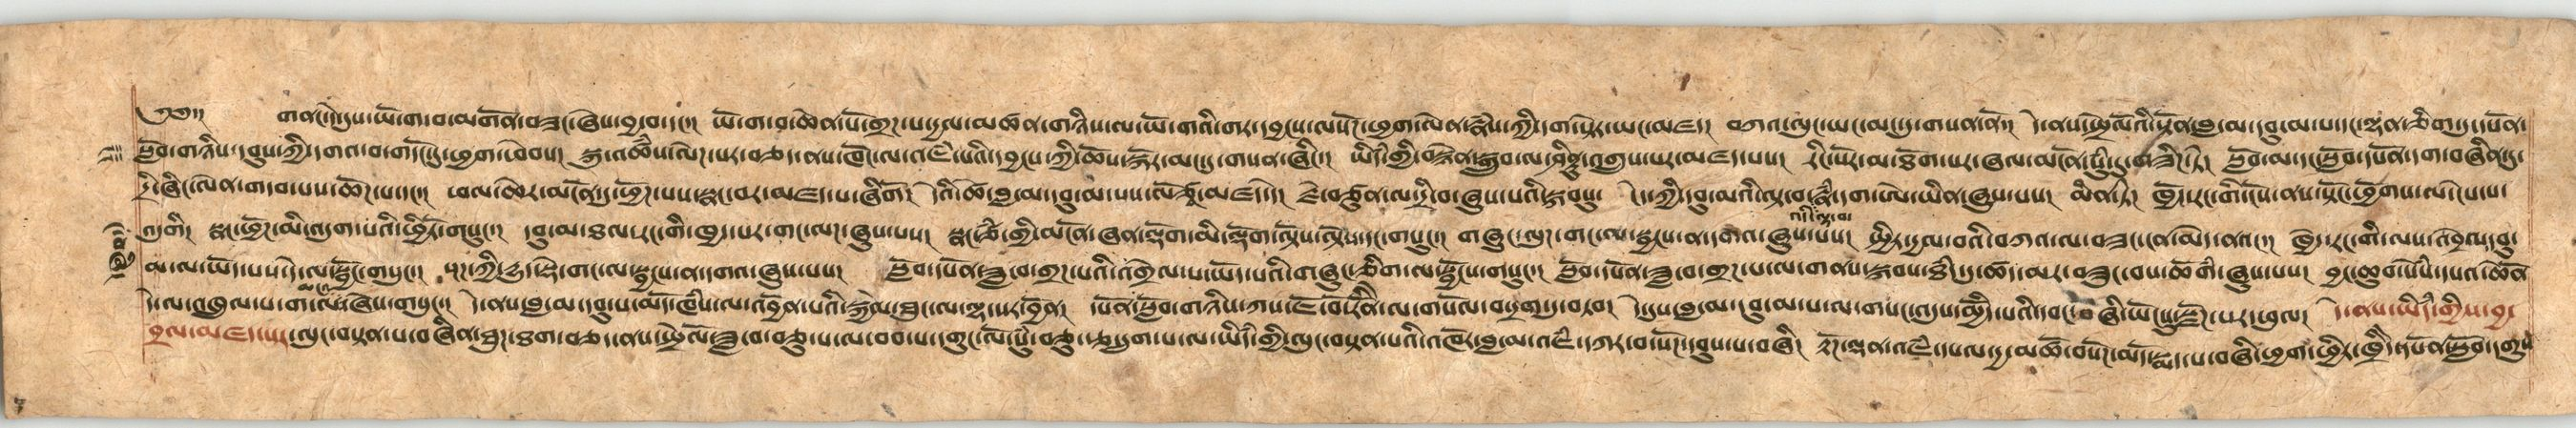༄༅་། གནང་དེ་དུས་ཡོ་ག་བ་མགོན་བཟང་ཞེས་བྱ་བ་དང་། ཡོ་ག་བ་ཆེན་པོ་གྲཌ་པ་དྱལ་མཚན་གཉིས་ལ་ཡོ་གའི་གར་དབྱངས་ལསོཌ་ཕྱག་ལེན་རྣཾས་ཀྱི་དག་སྟེར་ཡང་མཛད། བཀའ་ལུང་ཡང་མང་དུ་གསན་ནོ་།་ དེ་ནས་སྤྲེལོའི་སྟོན་བླ་མ་དབུ་མ་པ་དང་ལྷན་ཅིག་དུ་དཔོན་
སླཽབ་གཉིས་དབུས་ཀྱི་དགའ་བ་གདོང་དུ་ཕྱག་ཕེབས། སྐུ་འཚཾས་ལེཌ་པར་བཅད་ནས་ཁོང་ལ་འཇཾ་པའི་དབྱངས་ཀྱི་ཆོས་སྐོར་མང་དུ་གསན་ཞིང་། ཡི་དཾ་གྱི་བསྙེན་སྒྲུབ་ལ་ཤིནྟུ་འགྲུས་པར་མཛད་པས། རིང་པོར་མ་ཐོག་པར་ཞལ་མངོན་སུཾ་དུ་གཟིཌ་ཏེ། སློབ་མ་དང་སློབ་དཔོན་དག་བཞིན་དུ་
དྲི་ཞིང་ལེན་གདབ་པས་ཚོཌ་པ་དང་། ཕལ་ཆེར་མངོན་དུ་ཕྱོཌ་པས་སྣང་བར་མཛད་པ་ཞིགོ། དེའི་ཚེ་བླ་མ་དབུ་མ་པས་ལོཙཱ་མཛད་དེ། རྗེ་བཙུན་ལ་དྲི་བ་ཞུས་པའི་སྐབསུ། ངེད་ཀྱི་དབུ་མའི་ལྟ་བ་འདི་ལྟ་བ་རྣཾ་དག་ཨེ་ཡིན་ཞུས་པས། མིན་ཏེ། ཁྱོད་རང་གི་ངོས་ནས་སྟོང་ཕྱོགས་ལ་ངེས་པ་
འདུགི། སྣང་ཕྱོཌ་མི་འདུག་པའི་ཕྱིརོ་གསུང་། དབུ་མ་ཐལ་རང་གི་ཁྱད་པར་གང་ལཌ་ཞུས་པས། སྣང་ཙཾ་གྱི་མངོན་ཞན་ལྡོག་མི་ལྡོག་ལྟོས་ལྟོས་དང་གསུང་། གཞུང་ལུཌ་གང་ལ་སྦྱངས་ན་དགའ་ཞུས་པས། སྤྱིར་དྱལ་བའི་བཀའ་ལ་བཟང་ངན་མེད་ནའང་། ཁྱེད་རང་གི་ལས་འབྲེལ་བུ་
མ་ལ་ཡོད་པས་དེ་ལ་སྦྱོང་གསུང་། སྔཌ་ཀྱི་དྱུད་སྡེ་གང་ལ་སྦྱངས་ན་དགའ་ཞུས་པས། སློབ་དཔོན་ཟླ་བ་གྲཌ་པའི་འགྲེལ་པ་ཡོད་པའི་གཞུང་ཅིག་ལ་སྦྱོངས་གསུང་། སློབ་དཔོན་ཟླ་བ་གྲཌ་པ་ལ་གནས་སྐབས་ཐདཾ་དུ་ཚད་མར་བཟུང་བས་ཆོགི་ཞུས་པས། བྱང་ཆུབ་སེཾས་དཔའ་ཆེནོ
དེ་ལ་འཁྲུལ་པ་ག་ལ་ཞེས་གསུང་། དེ་ནས་བླ་མ་དབུ་པ་མདོ་ཁཾས་ལ་འབྱོན་པའི་སྐྱེལ་ཐུང་ལ་ལྷ་སར་བྱོན། དཔོན་སློབ་གཉིས་ཀས་ཇོ་བོ་རིོནེ་ལ་གསོལ་བ་དྲག་དུ་བཏབ། དེ་དུས་བླ་མ་དབུ་མ་པ་ལ་གསང་འདུས་ཆྱེིདཔའི་དབང་བཞི་ཡོངསུ་སྫོཌ་པར་ཕུལ། དེ་ནས་ཡིདཾ་གྱི་
བྲལ་མཛད་པར་ལུང་བསྟན་པ་བཞིན་ཐུཌ་ཐག་བཅད་ནས་སྤྲེལོ་ཟླ་བ་བཅུ་པ་ལ་བབ་པ་དགུང་ལོ་སུཾ་བཅུ་རྩ་དྲུག་པ་ལ་ཡིདཾ་གྱི་ལུང་བསྟན་པའི་འཁོར་བླ་མ་འཇཾ་དཀར་བ་སོཌ་དབུས་པ་བཞི། རྟོཌ་ལྡན་འཇཾ་དཔལ་དྱ་མཚོ་བསོཌ་མདོ་སྨད་པ་བཞི་ཕྱག་ཕྱིར་ཁྲིདེ་དཔོན་སློབ་དགུས